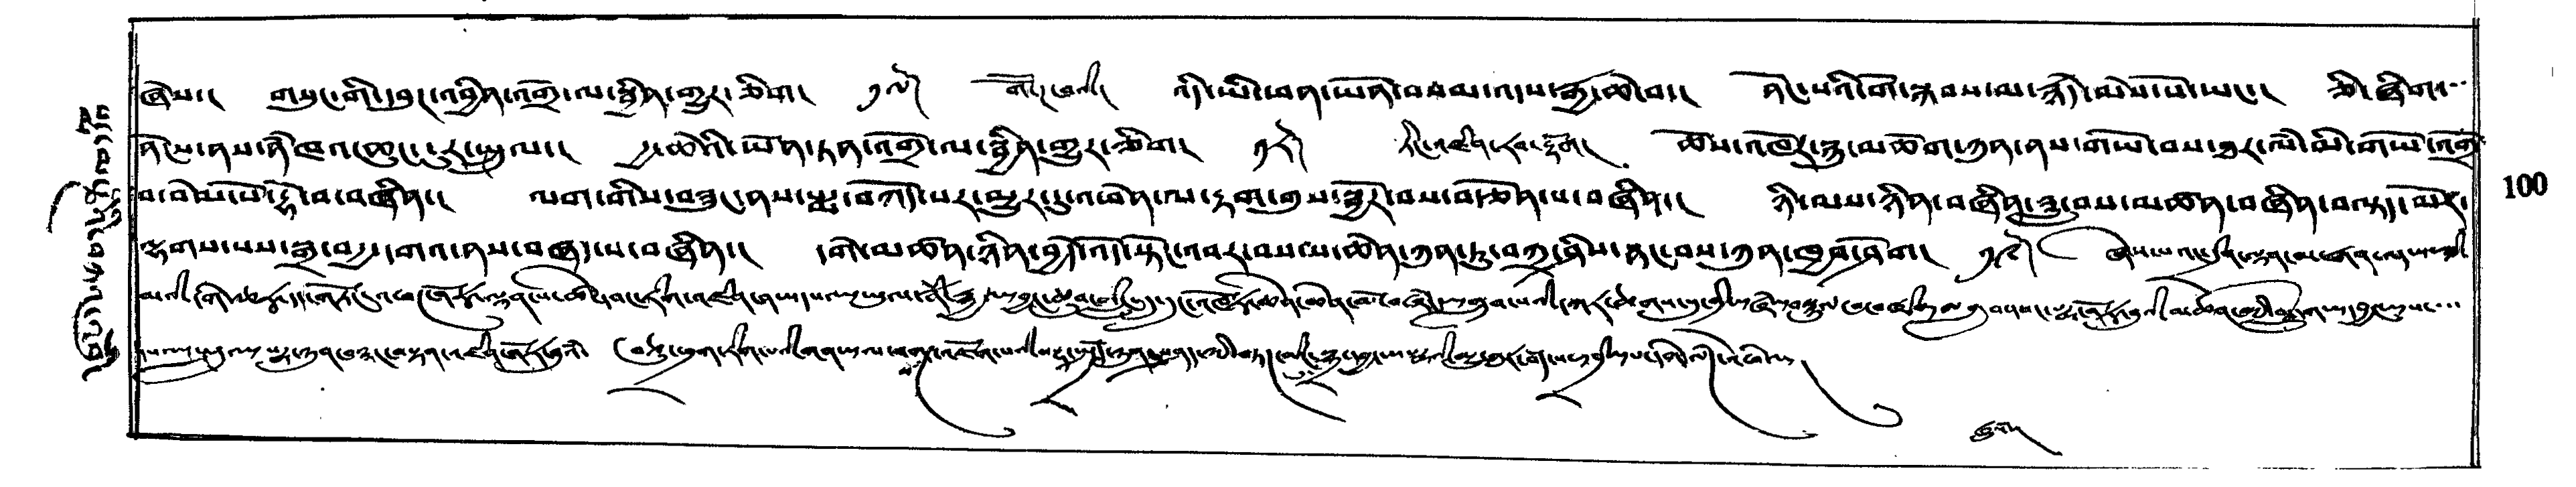ཞེས། །གསུང་གི་དབུགས་འབྱིན་འགྲོ་ལ་སྦྱིན་གྱུར་ཅིག ། ༡༧༽ གཽ་ཌཱ་བའི། འདི་ཡི་ཕན་ཡོན་བསམ་འདས་རྒྱ་ཆེ་བ། །ནོངས་པའི་གོ་སྐབས་མ་རྙེད་མེས་པོ་ཡང་། །ཅི་ཞིག་
ནོངས་ནས་ནམ་མཁའ་ཆུང་ངུར་སྤྲུལ། །རྒྱ་ཆེའི་ཡོན་ཏན་འགྲོ་ལ་སྦྱིན་གྱུར་ཅིག ། ༡༨༽ ཏིང་འཛིན་རབ་རྟོག ཆོས་འཁོར་སྐུ་མཆོག་ཀུན་ནས་གཡོ་བས་ཐར་ལམ་མི་གཡོ་འགྲོ་
བ་བེམ་པོ་རྡོ་བ་བཞིན། །ལག་གིས་བཟུང་ནས་པདྨོ་བཀོད་པར་མྱུར་དུ་འཕེན་ལ་རྟག་གུས་སྦྱོར་བས་བརྩོན་པ་བཞིན། །ཉི་མས་ཉིན་བཞིན་ཟླ་བས་མཚན་བཞིན་ལྟད་མོར་
ལྷགས་པས་སྒྲ་བརྒྱ་དགའ་ནས་བཞད་པ་བཞིན། །དགེ་མཚན་ཉིན་བྱེད་འོད་སྟོང་འབར་བས་ས་ཆེན་ཀུན་ཏུ་བཀྲ་ཤིས་སྣང་བས་ཀུན་ཁྱབ་ཤོག ། ༡༩༽ ། ཅེས་པའང་དྲིན་ལྡན་མ་རྒན་འདས་
མའི་དགེ་རྩར་དད་གཏོང་འཕགས་ནོར་ལྡན་པ་ཚེ་དབང་རིག་འཛིན་ནས་དཔལ་ཡུལ་རྣམ་རྒྱལ་བྱང་ཆུབ་གླིང་དུ་དུང་འཁོར་ཆེན་མོ་བཞེངས་གྲུབ་པའི་དཀར་ཆགས་སུ་བྲིས་ཞེས་བསྐུལ་བ་བཞིན་༧གྲུབ་དབང་པདྨ་ནོར་བུའི་མཚན་གྱི་བླ་དྭགས་དཔྱངས་པ་
དཔལ་སྤྲུལ་པདྨ་ཀུན་བཟང་བསྟན་འཛིན་ནོར་བུའམ།བཅུ་ཕྲག་རིག་པའི་གནས་ལ་བག་ཆགས་འཇོག་པའི་བརྡ་སྤྲོད་ཀུན་བཤད་ཀྱི་བཏགས་མིང་སྒྲ་དབྱངས་པདྨའི་མྱུ་གུར་འབོད་པས་བྲིས་པ་དགེ་ལེགས་འཕེལ།། ཞུས་སཽ།། །།